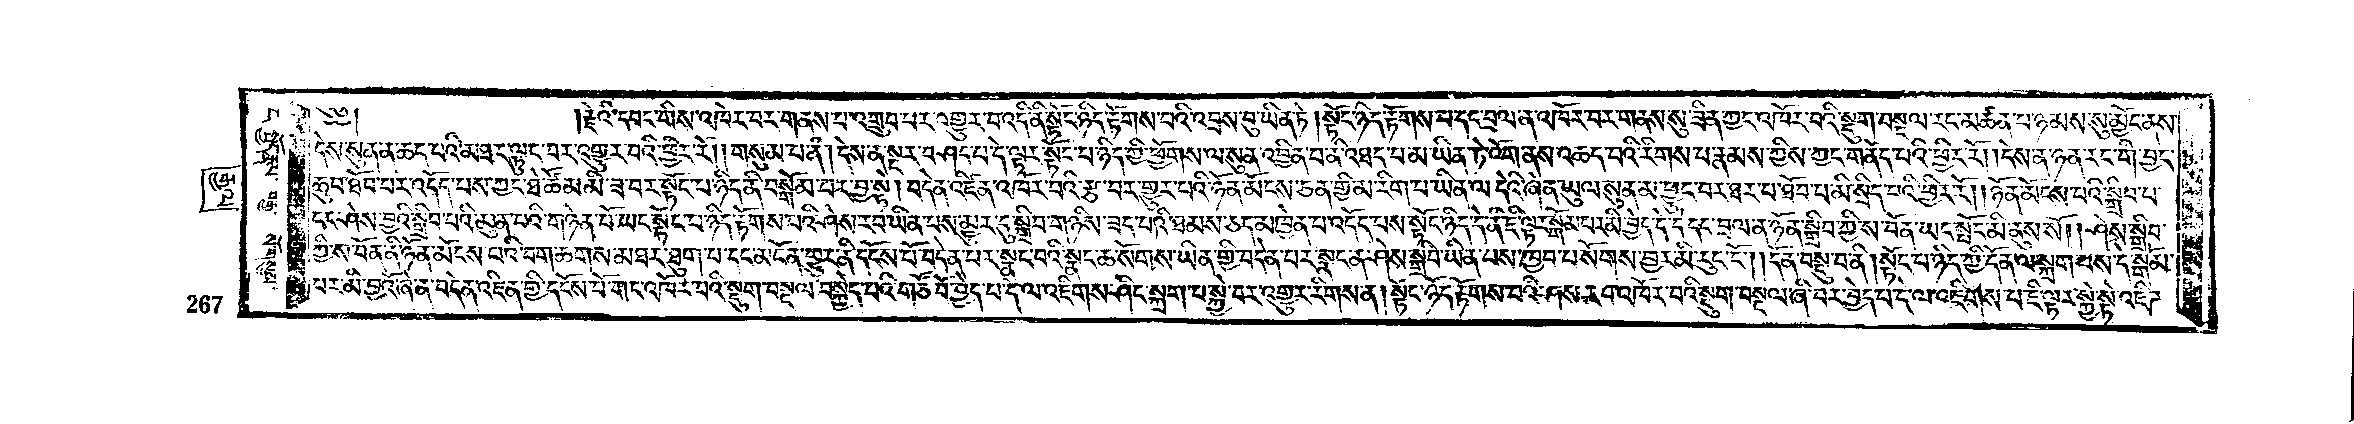༄༅། །རྗེའི་དང་གིས་འཁོར་བར་གནས་པ་འགྲུབ་པར་འགྱུར་བ་འདི་ནི་སྟོང་ཉིད་རྟོགས་པའི་འབྲས་བུ་ཡིན་ཏེ། སྟོང་ཉིད་རྟོགས་པ་དང་བྲལ་ན་འཁོར་བར་གནས་སུ་ཟིན་ཀྱང་འཁོར་བའི་སྡུག་བསྔལ་རང་མཚན་པ་ཉམས་སུ་མྱོང་ནས་
དེས་སུན་ན་ཆད་པའི་མཐར་ལྟུང་བར་འགྱུར་བའི་ཕྱིར་རོ། །གསུམ་པ་ནི། དེས་ན་སྔར་བཤད་པ་དེ་ལྟར་སྟོང་པ་ཉིད་ཀྱི་ཕྱོགས་ལ་སུན་འབྱིན་པ་ནི་འཐད་པ་མ་ཡིན་ཏེ་འོག་ནས་འཆད་པའི་རིགས་པ་རྣམས་ཀྱིས་ཀྱང་གནོད་པའི་ཕྱིར་རོ། །དེས་ན་ཉན་རང་གི་བྱང་
ཆུབ་ཐོབ་པར་འདོད་པས་ཀྱང་ཐེ་ཚོམ་མི་ཟ་བར་སྟོང་པ་ཉིད་ནི་བསྒོམ་པར་བྱ་སྟེ། བདེན་འཛིན་འཁོར་བའི་རྩ་བར་གྱུར་པའི་ཉོན་མོངས་ཅན་གྱི་མ་རིག་པ་ཡི་ལ་དེའི་ཞེན་ཡུལ་སུན་མ་ཕུང་བར་ཐར་པ་ཐོབ་པ་མི་སྲིད་པའི་ཕྱིར་རོ། །ཉོན་མོངས་པའི་སྒྲིབ་པ་
དང་ཤེས་བྱའི་སྒྲིབ་པའི་མུན་པའི་གཉེན་པོ་ཡང་སྟོང་པ་ཉིད་རྟོགས་པའི་ཤེས་རབ་ཡིན་པས་མྱུར་དུ་སྒྲིབ་གཉིས་ཟད་པའི་ཐམས་ཅད་མཁྱེན་པ་འདོད་པས་སྟོང་ཉིད་དེ་ནི་ཇི་ལྟར་སྒོམ་པར་མི་བྱེད་དེ་དེ་དང་བྲལ་ན་ཉོན་སྒྲིབ་ཀྱི་ས་བོན་ཡང་སྤོང་མི་ནུས་སོ། །ཤེས་སྒྲིབ་
ཀྱི་ས་བོན་ནི་ཉོན་མོངས་པའི་བག་ཆགས་མཐར་ཐུག་པ་དང་མངོན་གྱུར་ནི་དངོས་པོ་བདེན་པར་སྣང་བའི་སྣང་ཆ་སོགས་ཡིན་གྱི་བདེན་པར་སྣང་ན་ཤེས་སྒྲིབ་ཡིན་པས་ཁྱབ་པ་སོགས་བྱར་མི་རུང་ངོ། །དོན་བསྡུ་བ་ནི། སྟོང་པ་ཉིད་ཀྱི་དོན་ལ་སྐྲག་པས་དེ་སྒོམ་
པར་མི་བྱའོ་ཞེ་ན་བདེན་འཛིན་གྱི་དངོས་པོ་གང་འཁོར་བའི་སྡུག་བསྔལ་བསྐྱེད་པའི་གཙོ་བོ་བྱེད་པ་དེ་ལ་འཇིགས་ཤིང་སྐྲག་པ་སྐྱེ་བར་འགྱུར་རིགས་ན། སྟོང་ཉིད་རྟོགས་པའི་ཤེས་རབ་འཁོར་བའི་སྡུག་བསྔལ་ཞི་བར་བྱེད་པ་དེ་ལ་འཇིགས་པ་ཇི་ལྟར་སྐྱེ་སྟེ་འཇིགས་